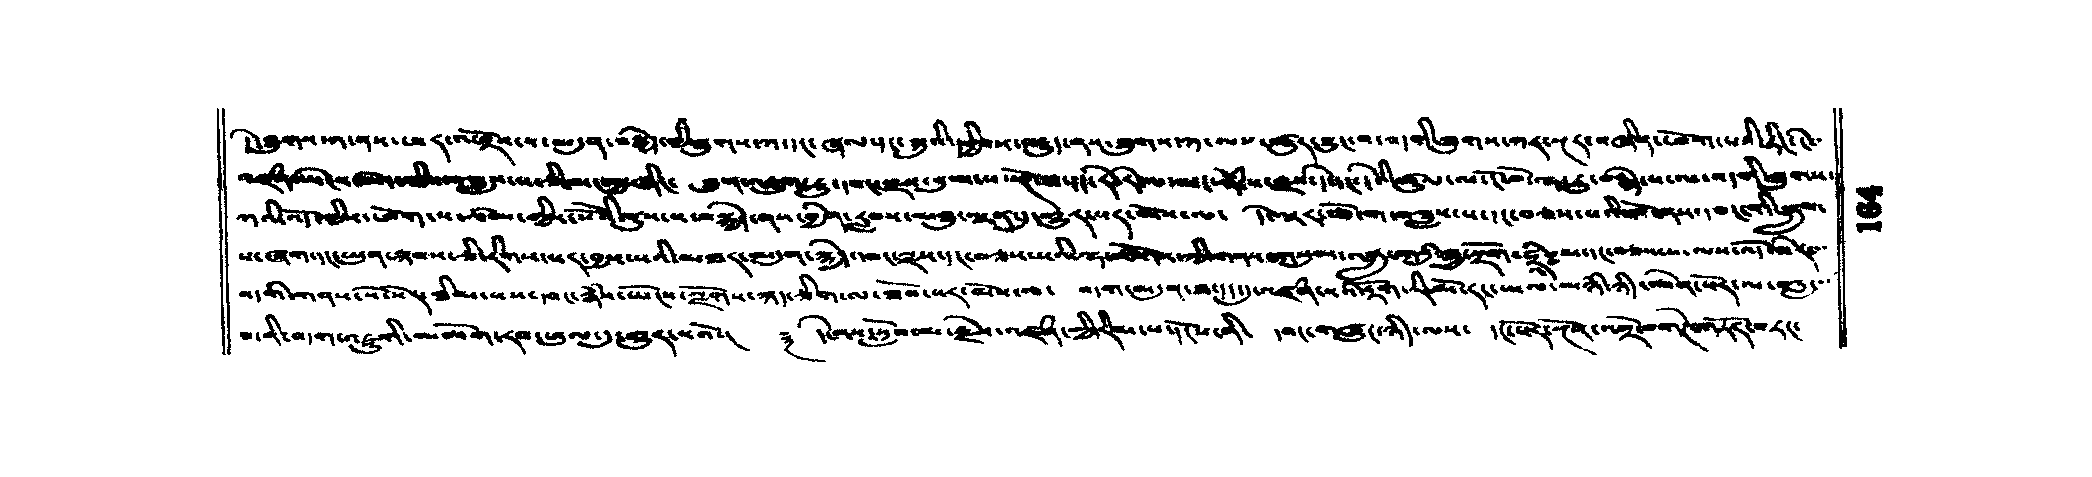དེ་ཐུགས་ཀ་ནས་ཕར་འཕྲོས་པ་མདུན་བསྐྱེད་ཀྱི་ཐུག་ཀ་དང་ཞལ་དང་སྐུའི་དབྱིབས་བརྒྱུད་ནས་ཐུགས་ཀ་ལས་ཚུར་བྱུང་བ་བདག་གི་ཐུགས་ཀར་སྔ་བཞིན་ཐོག་པའི་ཏིང་ངེ་
འཛིན་ཡེངས་མེད་ཀྱི་བཟླས་པ་ཅི་མང་བྱ་ཞིང་།ཐུན་འཇུག་ཏུ་དབང་རྫས་བུམ་པ་སོགས་ཐ་དད་རེ་རེ་ལཡང་རྣམ་པ་རྫས་དེ་དང་དེའི་ཚུལ་ལ་ངོ་བོ་ལྷ་རུ་་་་་པ་ལ་བདག་གི་ཐུགས་
ཀའི་འོད་ཀྱི་ཕག་པ་ཙམ་གྱིས་སོ་སོའི་ནུས་པ་སྐྱེད་ནས་བྱིན་རླབས་མཐུན་ལྡན་དུ་གྱུར་པར་མོས་ལ། དེ་ལྟར་ཆོ་ག་བཟླས་པ་དག་བཅས་པའི་སྒོ་ནས་དབང་གི་སྒྲུབ་
པ་ཞག་དང་ཡུན་སྐབས་ཅི་རིགས་པར་བྱས་པའི་མཐར་མདུན་སྐྱེད་དབང་རྫས་དང་བཅས་པའི་ལྷ་ཆོགས་ཀྱི་གནས་གསུམ་འབྲུ་གསུམ་ཐུགས་སྲོག་ཧྲཱིཿམ་དང་བཅས་པ་ལས་འོད་ཟེར་
བདག་གི་གནས་སོ་སོར་ཐིམ་པས་དབང་རྣམས་ཡོངས་རྫོགས་སྐད་ཅིག་ལ་ཐོབ་པར་མོས་ལ། བདག་མདུན་ཐ་དད་དུ་འཛིན་པའི་རྟོག་རི་མོ་རང་ཡལ་མཉམ་ཉིད་ཆེན་པོར་ལ་བཟླ་
བ་ནི་བདག་འཇུག་གི་མཆོག་རབ་ཕུལ་དུ་གྱུར་པའོ། ༈ དེ་ནས་སློབ་མ་རྗེས་འཛིན་གྱི་རིམ་པ་དངོས་ནི། དབང་གཞུང་ཉིད་ལས། དང་པོར་སྔོན་འགྲོ་ལ་བགེགས་གཏོར་བཏང་